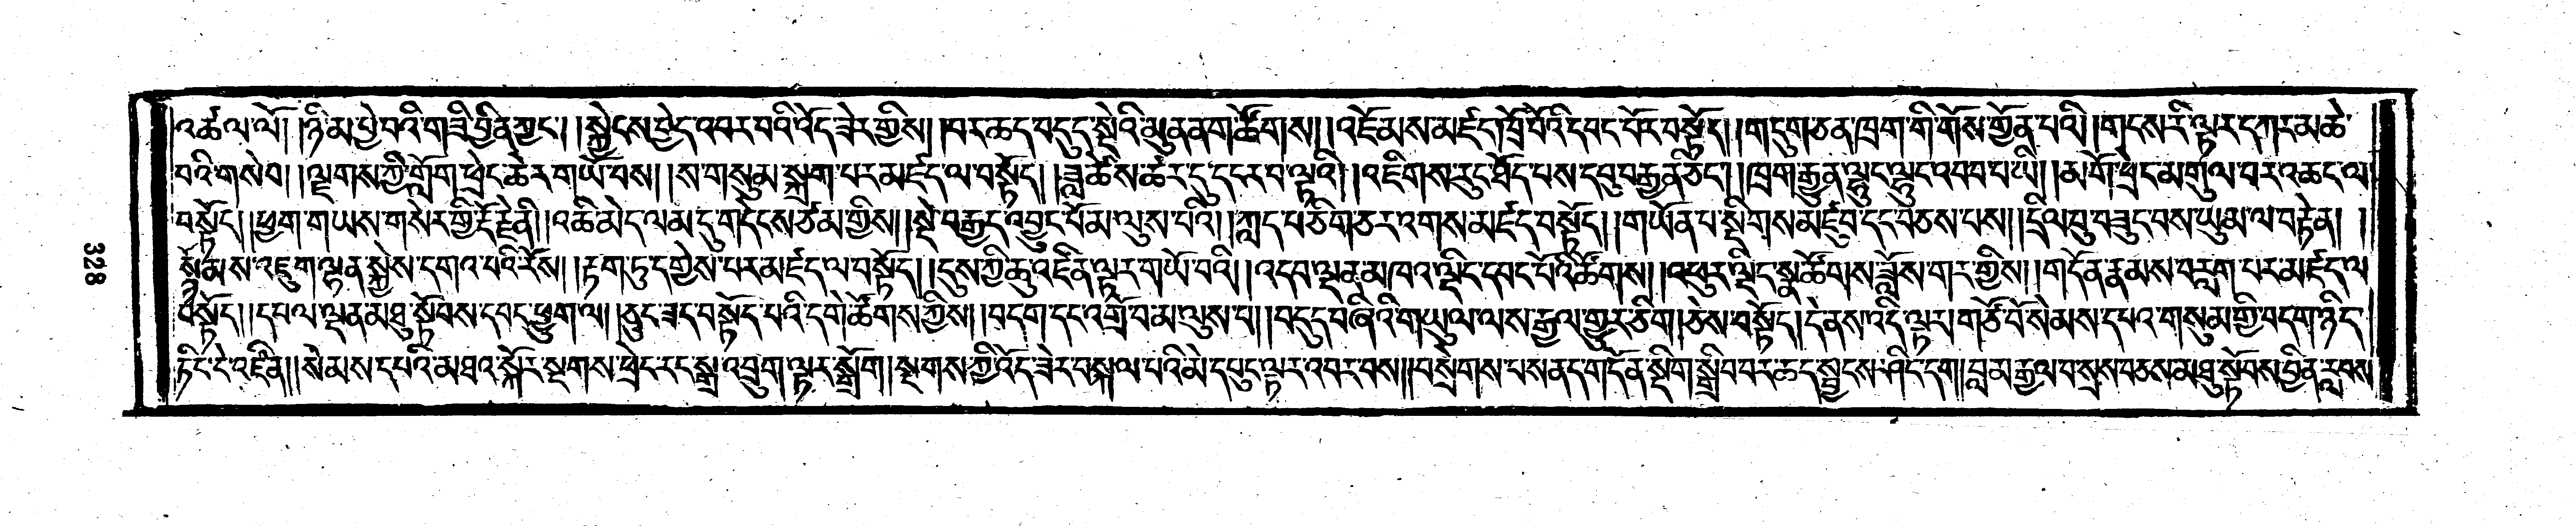འཚལ་ལོ། །ཉི་མ་བྱེ་བའི་གཟི་བྱིན་ཀྱང་། །སྐྱེངས་བྱེད་འབར་བའི་འོད་ཟེར་གྱིས། །བར་ཆད་བདུད་སྡེའི་མུན་ནག་ཚོགས། །འཇོམས་མཛད་ཁྲོ་བོའི་དབང་པོར་བསྐྱོད། །གདུག་ཅན་ཁྲག་གི་གོས་གྱོན་པའི། །གངས་རི་ལྟར་དཀར་མཆེ་
བའི་གསེབ། །ལྗགས་ཀྱི་གློག་ཕྲེང་ཆེར་གཡོ་བས། །ས་གསུམ་སྐྲག་པར་མཛད་ལ་བསྟོད། །ཟླ་ཚེས་ཚར་དུ་དངར་བ་ལྟའི། །འཇིགས་རུང་ཐོད་པས་དབུ་བརྒྱན་ཅིང་། །ཁྲག་རྒྱུན་ལྷུང་ལྷུང་འབབ་པ་ཡི། །མགོ་ཕྲེང་མགུལ་པར་འཆང་ལ་
བསྟོད། །ཕྱག་གཡས་གསེར་གྱི་རྡོ་རྗེ་ནི། །འཆི་མེད་ལམ་དུ་གདེངས་ཙམ་གྱིས། །སྡེ་བརྒྱད་འབྱུང་པོ་མ་ལུས་པའི། །ཀླད་པ་ཅིག་ཅར་འགས་མཛད་བསྟོད། །གཡོན་པ་སྡིགས་མཛུབ་དང་བཅས་པས། །དྲིལ་བུ་བཟུང་བས་ཡུམ་ལ་བརྟེན། །
སྙོམས་འཇུག་ལྷན་སྐྱེས་དགའ་བའི་རོས། །རྟག་ཏུ་དགྱེས་པར་མཛད་ལ་བསྟོད། །དུས་ཀྱི་ཆུ་འཛིན་ལྟར་གཡོ་བའི། །འདབ་ལྡན་མཁའ་ལྡིང་དབང་པོའི་ཚོགས། །འཕུར་ལྡིང་སྣ་ཚོགས་ཟློས་གར་གྱིས། །གདོན་རྣམས་བརླག་པར་མཛད་ལ་
བསྟོད། །དཔལ་ལྡན་མཐུ་སྟོབས་དབང་ཕྱུག་ལ། །ཅུང་ཟད་བསྟོད་པའི་དགེ་ཚོགས་ཀྱིས། །བདག་དང་འགྲོ་བ་མ་ལུས་པ། །བདུད་བཞིའི་གཡུལ་ལས་རྒྱལ་གྱུར་ཅིག །ཅེས་བསྟོད། དེ་ནས་འདི་ལྟར། གཙོ་བོ་སེམས་དཔའ་གསུམ་གྱི་བདག་ཉིད་
ཏིང་ངེ་འཛིན། །སེམས་དཔའི་མཐའ་སྐོར་སྔགས་ཕྲེང་རང་སྒྲ་འབྲུག་ལྟར་སྒྲོག །སྔགས་ཀྱི་འོད་ཟེར་བསྐལ་པའི་མེ་དཔུང་ལྟར་འབར་བས། །བསྲེགས་པས་ནད་གདོན་སྡིག་སྒྲིབ་བར་ཆད་སྦྱངས་ཤིང་དག །བླ་མ་རྒྱལ་བ་སྲས་བཅས་མཐུ་སྟོབས་བྱིན་རླབས་